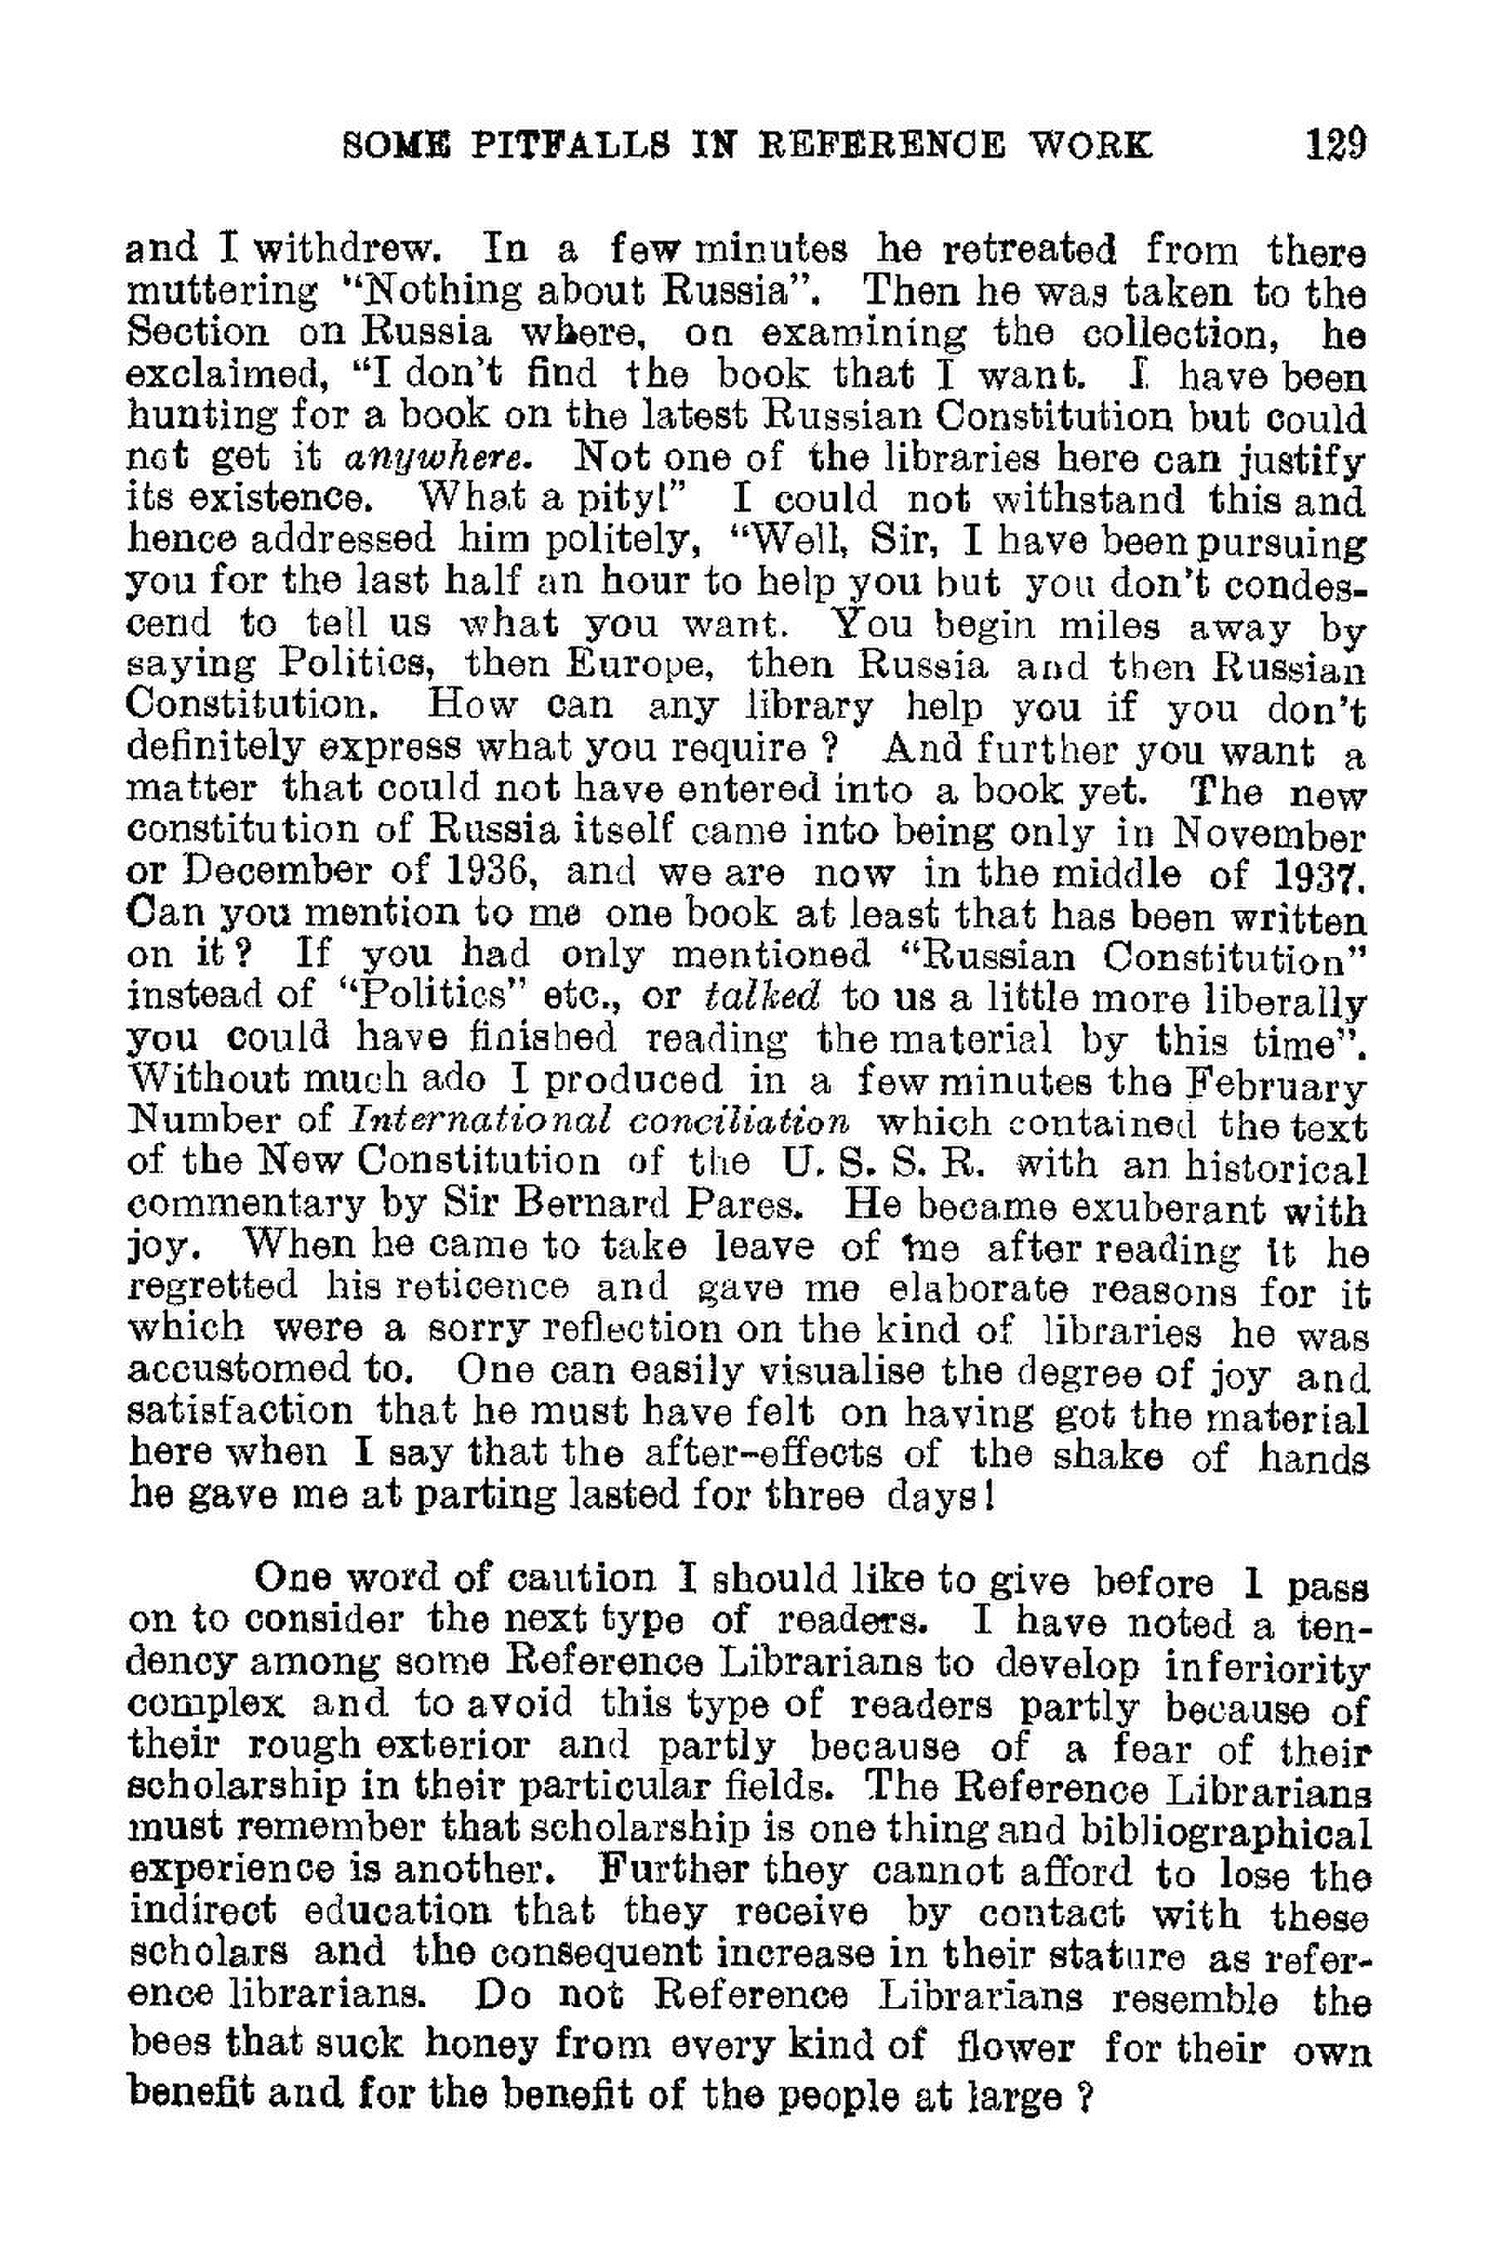and I withdrew. In a few minutes he retreated from there muttering "Nothing about Russia". Then he was 
taken to the Section on Russia where, on examining the collection, he exclaimed, "I don't find the book 
that I want. I have been hunting for a book on the latest Russian Constitution but could not get it anywhere. 
Not one of the libraries here can justify its existence. What a pity!" I could not withstand this and
hence addressed him politely, "Well, Sir, I have been pursuing you for the last half an hour to help you 
but you don't condescend to tell us what you want. You begin miles away by saying Politics, then Europe, 
then Russia and then Russian Constitution. How can any library help you if you don't definitely express 
what you require? And further you want a matter that could not have entered into a book yet. The new
constitution of Russia itself came into being only in November or December of 1936, and we are now in the 
middle of 1937. Can you mention to me one book at least that has been written on it? If you had only 
mentioned "Russian Constitution" instead of "Politics" etc., or talked to us a little more liberally
you could have finished reading the material by this time". Without much ado I produced in a few minutes 
the February Number of International conciliation which contained the text of the New Constitution of the 
U. S. S. R. with an historical commentary by Sir Bernard Pares. He became exuberant with joy. When he 
came to take leave of me after reading it her regretted his reticence and gave me elaborate reasons for it.
which were a sorry reflection on the kind of libraries he was accustomed to. One can easily visualize the 
degree of joy and satisfaction that he must have felt on having got the material here when I say that the 
after-effects of the shake of hands he gave me at parting lasted for three days!

One word of caution I should like to give before 1 pass on to consider the next type of readers. I have 
noted a tendency among some Reference Librarians to develop inferiority complex and to avoid this type 
of readers partly because of their rough exterior and partly because of a fear of their scholarship in 
their particular fields. The Reference Librarians must remember that scholarship is one thing and 
bibliographical experience is another. Further they cannot afford to lose the indirect education that 
they receive by contact with these scholars and the consequent increase in their stature as reference 
librarians. Do not Reference Librarians resemble the bees that suck honey from every kind of flower 
for their own benefit and for the benefit of the people at large?